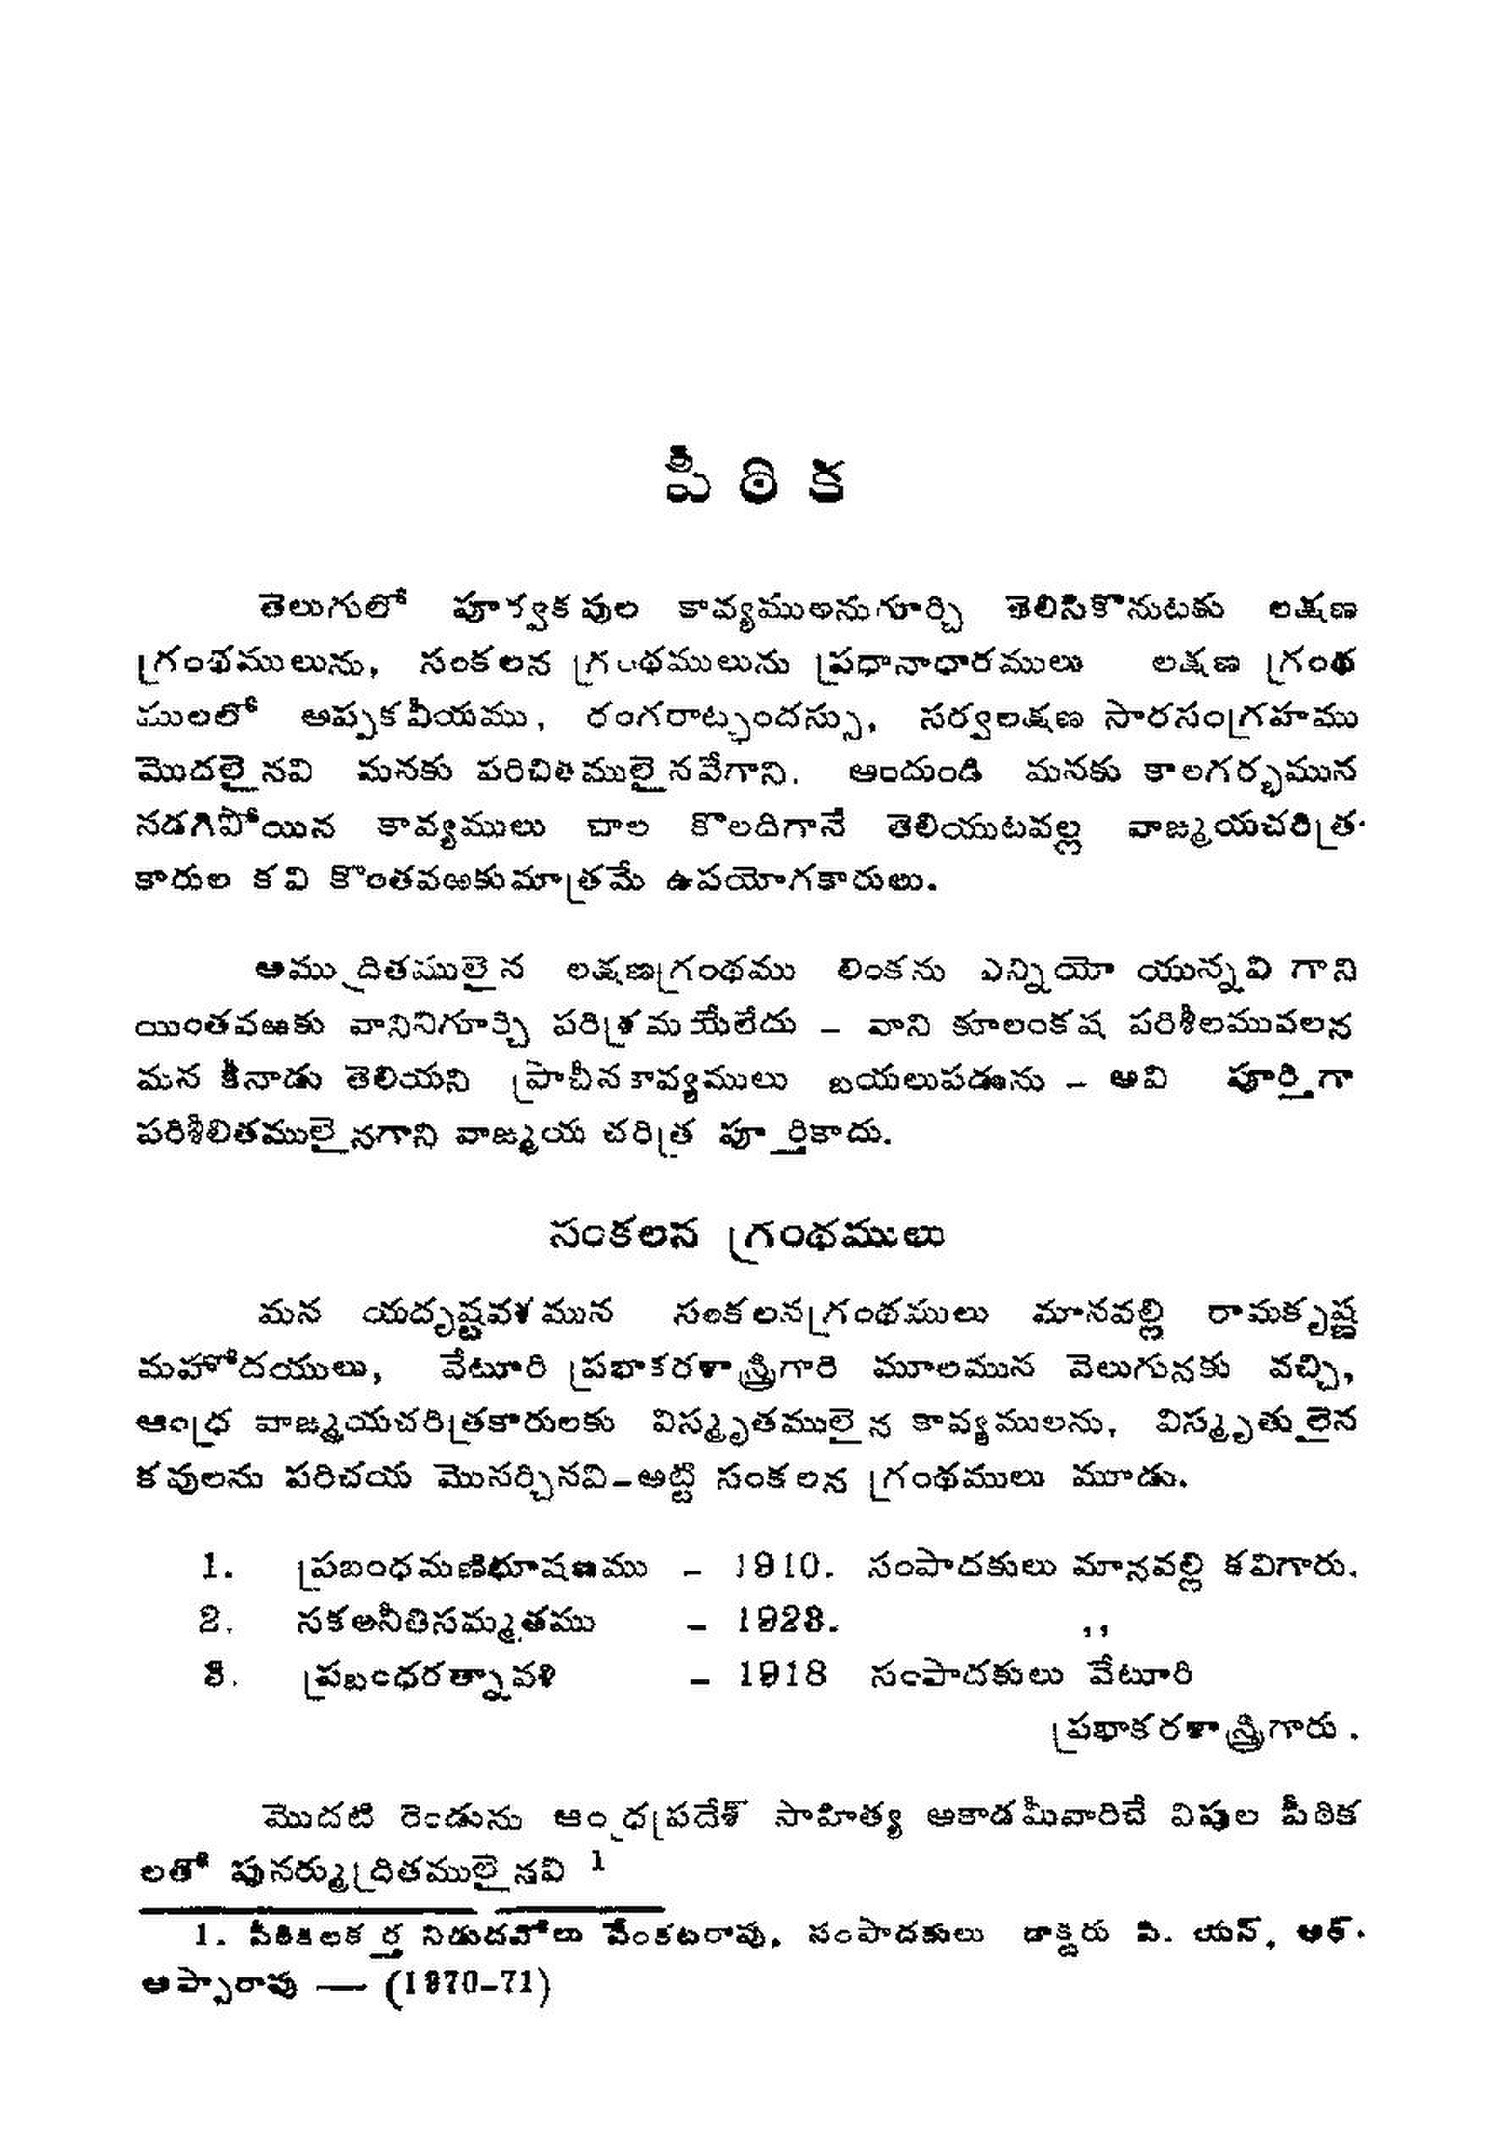తెలుగులో పూర్వకవుల కావ్యములను గూర్చి తెలిసికొనుటకు లక్షణ
గ్రంథములును, సంకలన గ్రంథములును ప్రధానాధారములు. లక్షణ గ్రంథ
ములలో అప్పకవీయము , రంగరాట్ఛందస్సు, సర్వలక్షణ సారసంగ్రహము
మొదలైనవి మనకు పరిచితములైనవేగాని. అందుండి మనకు కాలగర్భమున
నడగిపోయిన కావ్యములు చాల కొలదిగానే తెలియుటవల్ల వాజ్మయచరిత్ర
కారుల కవి కొంతవఱకు మాత్రమే ఉపయోగకారులు.

అము ద్రితములైన లక్షణ గ్రంథము లింకను ఎన్నియో యున్నవి గాని
యింతవజకు వానినిగూర్చే పరిశ్రమ యేలేదు వాని కూలంకష పరిశీలమువలన
మన కీనాడు తెలియని ప్రాచీన కావ్యములు బయలుపడును పూర్తిగా
పరిశీలితములైనగానీ వాజ్మయ చరిత్ర పూర్తికాదు.

మన యదృష్టవశమున సంకలన గ్రంథములు మానవల్లి రామకృష్ణ
మహోదయులు, వేటూరి ప్రభాకరశాస్త్రిగారి మూలమున వెలుగునకు వచ్చి,
ఆంధ్ర వాజ్మయచరిత్రకారులకు విస్మృతములైన కావ్యములను, విస్మృతులైన
కవులను పరిచయ మొనర్చినవి. అట్టి సంకలన గ్రంథములు మూడు.

1. ప్రబంధమణిభూషణము ----------- 1910. సంపాదకులు ----మానవల్లి కవిగారు,
2. సకల నీతి సమ్మతము ............1928. "
3.ప్రబంధరత్నావళి - ...................1018 సంపాదకులు వేటూరి ప్రభాకరశాస్త్రి గారు,

మొదటి రెండును ఆంధ్రప్రదేశ్ సాహిత్య అకాడమీ వారిచే విపుల పీఠిక
లతో పునర్ముద్రితములైనవి 1